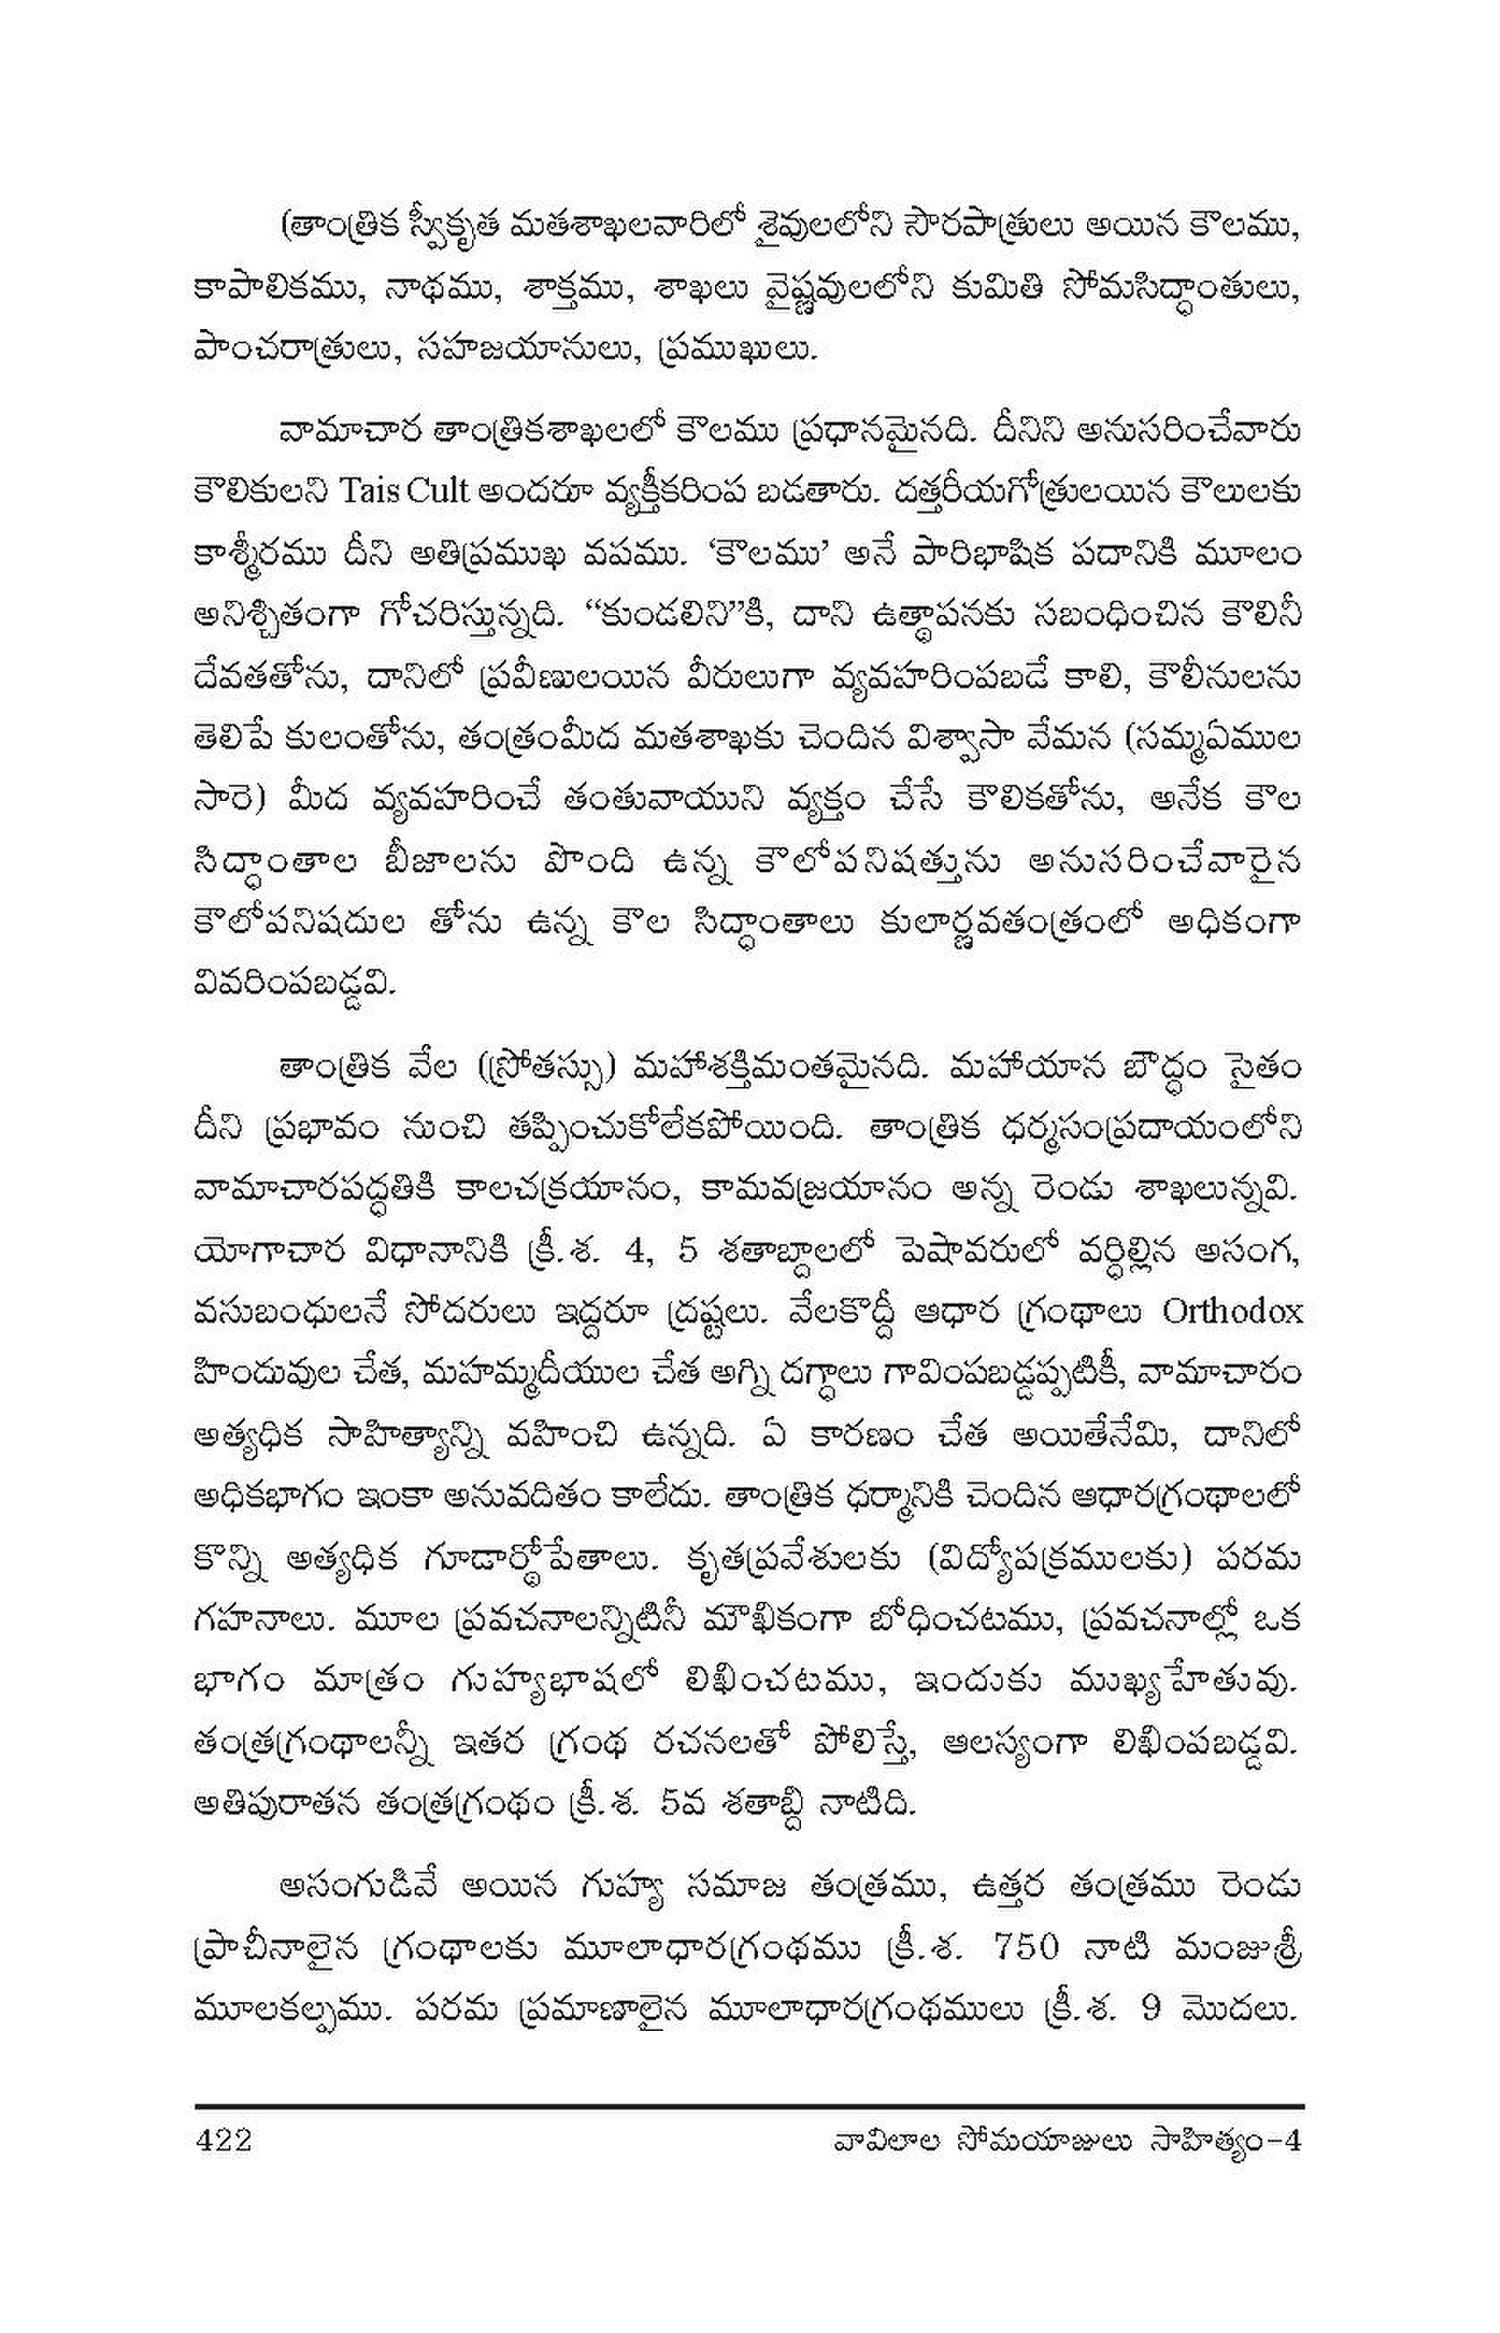(తాంత్రిక స్వీకృత మతశాఖలవారిలో శైవులలోని సౌరపాత్రులు అయిన కౌలము,
కాపాలికము, నాథము, శాక్తము, శాఖలు వైష్ణవులలోని కుమితి సోమసిద్ధాంతులు, పాంచరాత్రులు, సహజయానులు, ప్రముఖులు.

వామాచార తాంత్రికశాఖలలో కౌలము ప్రధానమైనది. దీనిని అనుసరించేవారు
కౌలికులని Tais Cult అందరూ వ్యక్తీకరింప బడతారు. దత్తరీయగోత్రులయిన కౌలులకు
కాశ్మీరము దీని అతిప్రముఖ వపము. 'కౌలము' అనే పారిభాషిక పదానికి మూలం
అనిశ్చితంగా గోచరిస్తున్నది. "కుండలిని”కి, దాని ఉత్థాపనకు సబంధించిన కౌలినీ
దేవతతోను, దానిలో ప్రవీణులయిన వీరులుగా వ్యవహరింపబడే కాలి, కౌలీనులను
తెలిపే కులంతోను, తంత్రంమీద మతశాఖకు చెందిన విశ్వాసా వేమన (సమ్మఏముల
సారె) మీద వ్యవహరించే తంతువాయుని వ్యక్తం చేసే కౌలికతోను, అనేక కౌల
సిద్దాంతాల బీజాలను పొంది ఉన్న కౌలోపనిషత్తును అనుసరించేవారైన
కౌలోపనిషదుల తోను ఉన్న కౌల సిద్ధాంతాలు కులార్ణవతంత్రంలో అధికంగా
వివరింపబడ్డవి.

తాంత్రిక వేల (స్రోతస్సు) మహాశక్తిమంతమైనది. మహాయాన బౌద్ధం సైతం
దీని ప్రభావం నుంచి తప్పించుకోలేకపోయింది. తాంత్రిక ధర్మసంప్రదాయంలోని
వామాచార పద్ధతికి కాలచక్రయానం, కామవజ్రయానం అన్న రెండు శాఖలున్నవి.
యోగాచార విధానానికి క్రీ.శ. 4, 5 శతాబ్దాలలో పెషావరులో వర్ధిల్లిన అసంగ,
వసుబంధులనే సోదరులు ఇద్దరూ ద్రష్టలు. వేలకొద్దీ ఆధార గ్రంథాలు Orthodox
హిందువుల చేత, మహమ్మదీయుల చేత అగ్ని దగ్ధలు గావింపబడ్డప్పటికీ, వామాచారం
అత్యధిక సాహిత్యాన్ని వహించి ఉన్నది. ఏ కారణం చేత అయితేనేమి, దానిలో
అధికభాగం ఇంకా అనువదితం కాలేదు. తాంత్రిక ధర్మానికి చెందిన ఆధారగ్రంథాలలో
కొన్ని అత్యధిక గూడార్థోపేతాలు. కృతప్రవేశులకు (విద్యోపక్రములకు) పరమ
గహనాలు. మూల ప్రవచనాలన్నిటినీ మౌఖికంగా బోధించటము, ప్రవచనాల్లో ఒక
భాగం మాత్రం గుహ్యభాషలో లిఖించటము, ఇందుకు ముఖ్య హేతువు.
తంత్రగ్రంథాలన్నీ ఇతర గ్రంథ రచనలతో పోలిస్తే, ఆలస్యంగా లిఖింపబడ్డవి.
అతిపురాతన తంత్రగ్రంథం క్రీ.శ. 5వ శతాబ్ది నాటిది.

అసంగుడివే అయిన గుహ్య సమాజ తంత్రము, ఉత్తర తంత్రము రెండు
ప్రాచీనాలైన గ్రంథాలకు మూలాధారగ్రంథము క్రీ.శ. 750 నాటి మంజుశ్రీ
మూలకల్పము. పరమ ప్రమాణాలైన మూలాధారగ్రంథములు క్రీ.శ. 9 మొదలు.